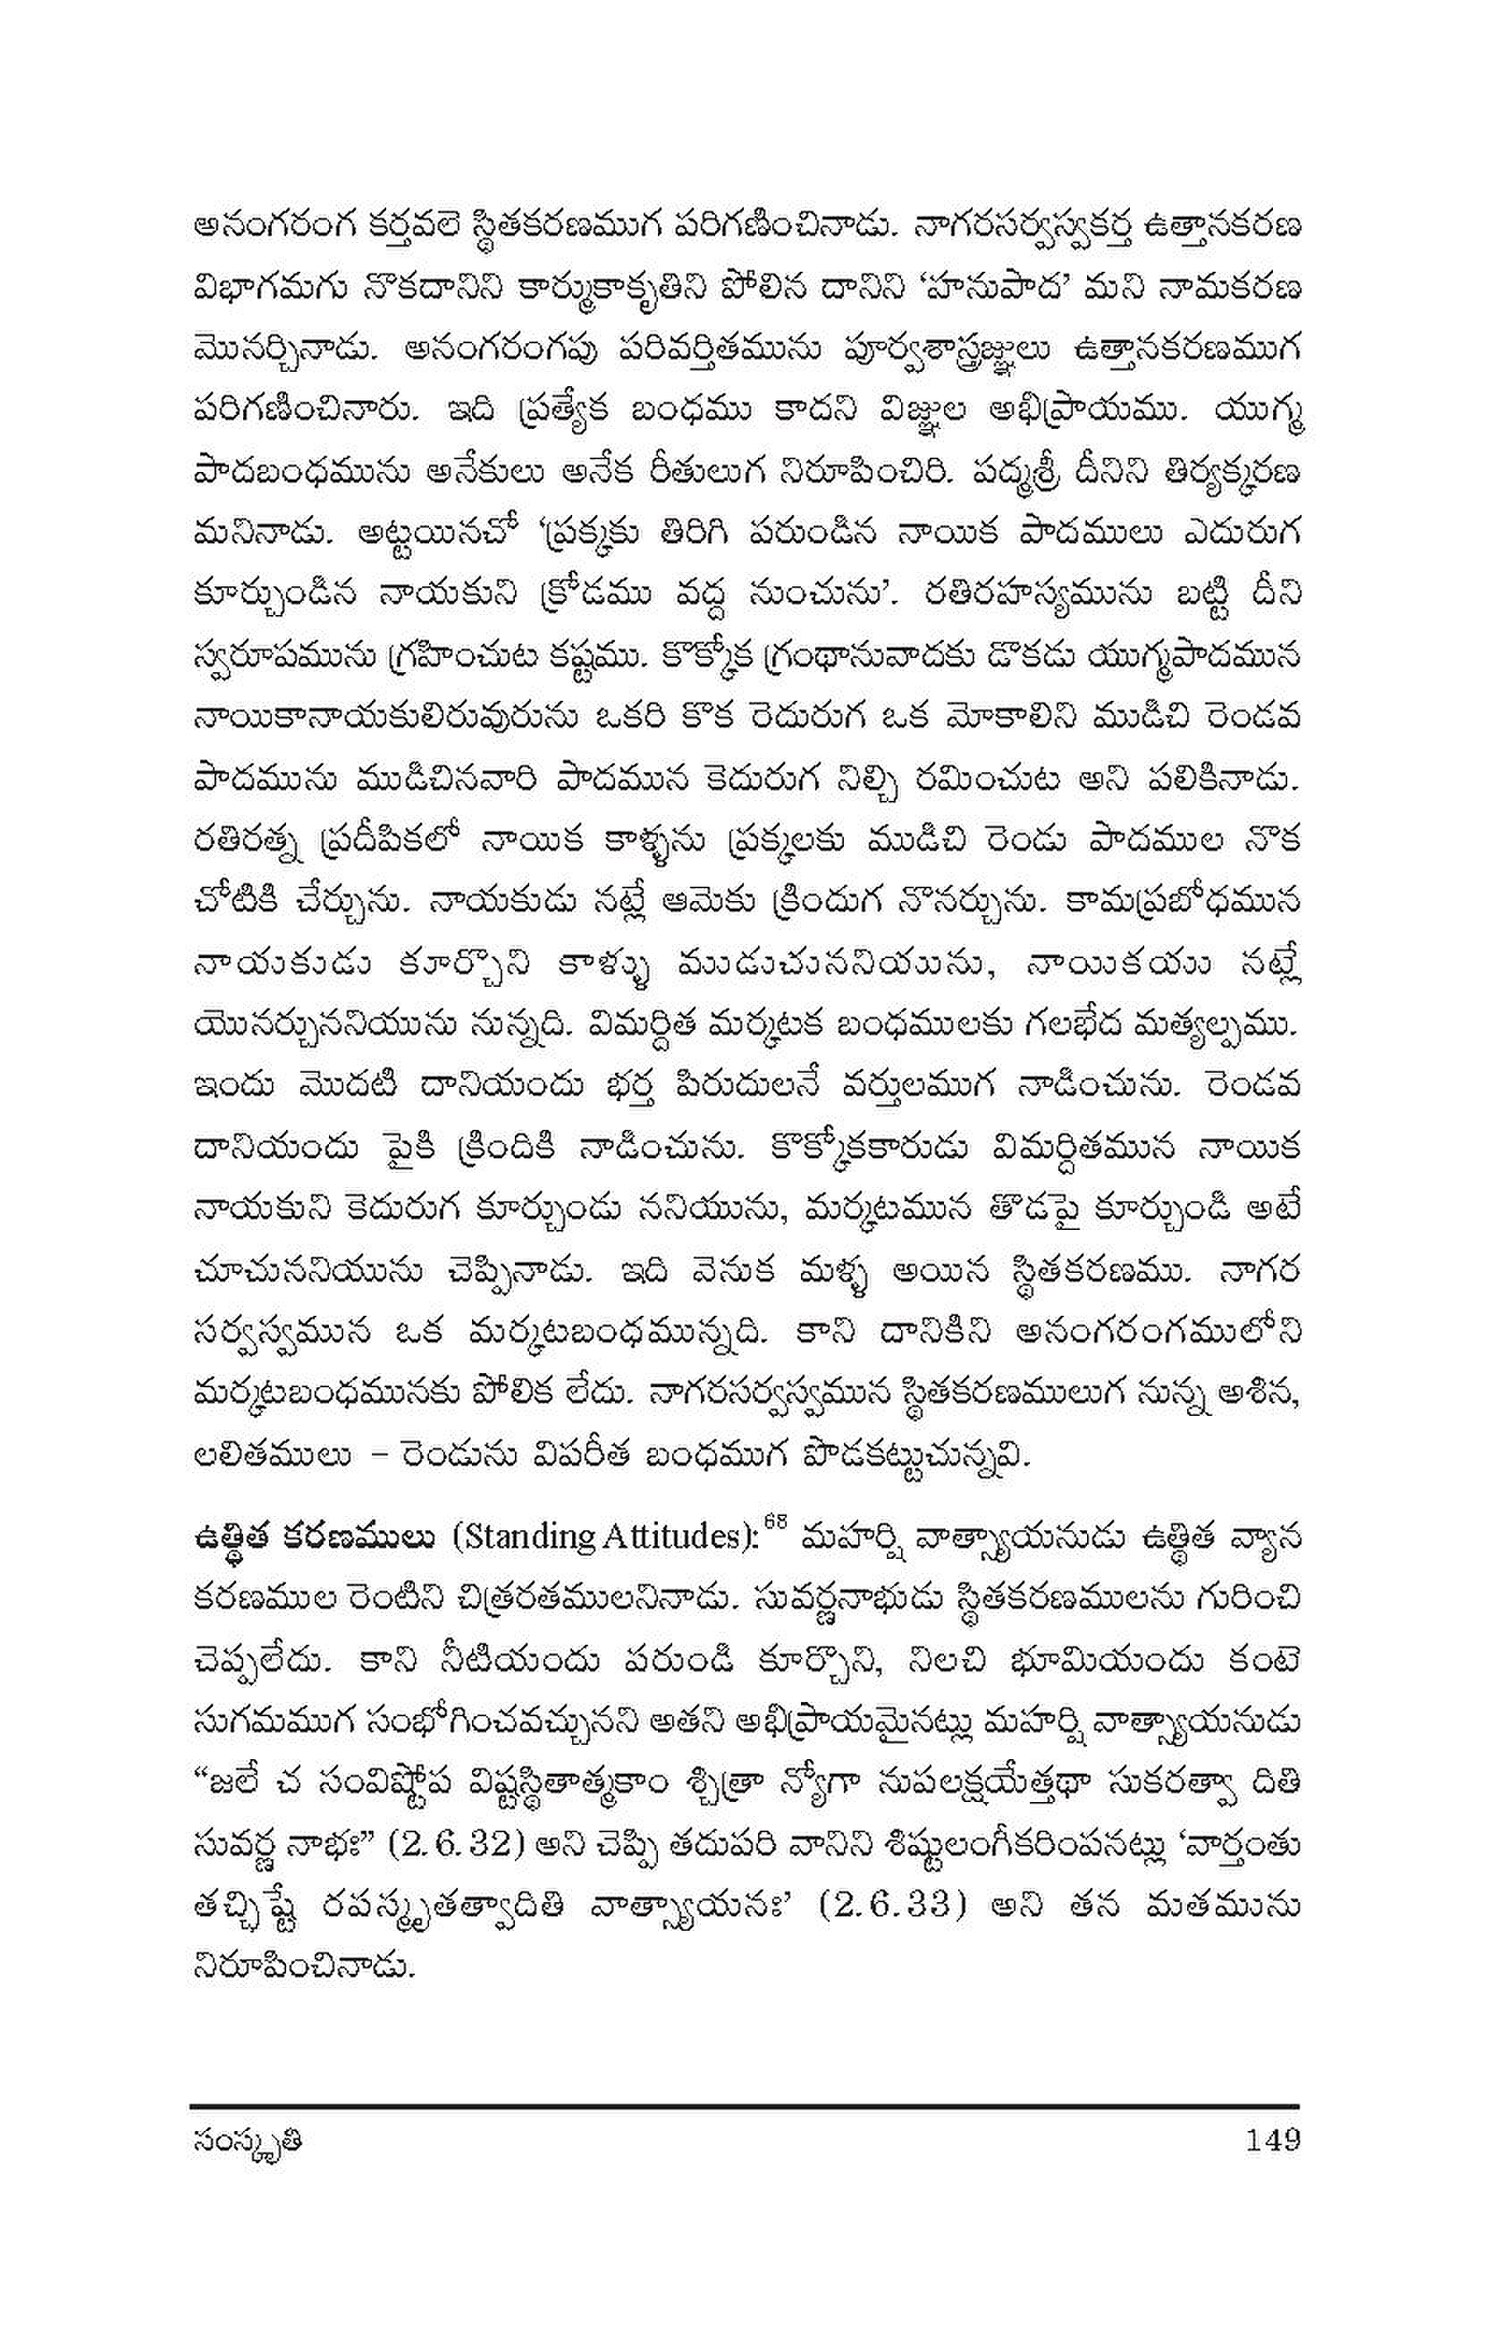అనంగరంగ కర్తవలె స్థితకరణముగ పరిగణించినాడు. నాగరసర్వస్వకర్త ఉత్తానకరణ
విభాగమగు నొకదానిని కార్ముకాకృతిని పోలిన దానిని 'హనుపాద' మని నామకరణ
మొనర్చినాడు. అనంగరంగపు పరివర్తితమును పూర్వశాస్త్రజ్ఞులు ఉత్తానకరణముగ
పరిగణించినారు. ఇది ప్రత్యేక బంధము కాదని విజ్ఞుల అభిప్రాయము. యుగ్మ
పాదబంధమును అనేకులు అనేక రీతులుగ నిరూపించిరి. పద్మశ్రీ దీనిని తిర్యక్కరణ
మనినాడు. అట్టయినచో 'ప్రక్కకు తిరిగి పరుండిన నాయిక పాదములు ఎదురుగ
కూర్చుండిన నాయకుని క్రోడము వద్ద నుంచును'. రతిరహస్యమును బట్టి దీని
స్వరూపమును గ్రహించుట కష్టము. కొక్కోక గ్రంథానువాదకు డొకడు యుగ్మపాదమున
నాయికానాయకులిరువురును ఒకరి కొక రెదురుగ ఒక మోకాలిని ముడిచి రెండవ
పాదమును ముడిచినవారి పాదమున కెదురుగ నిల్చి రమించుట అని పలికినాడు.
రతిరత్న ప్రదీపికలో నాయిక కాళ్ళను ప్రక్కలకు ముడిచి రెండు పాదముల నొక
చోటికి చేర్చును. నాయకుడు నట్లే ఆమెకు క్రిందుగ నొనర్చును. కామప్రబోధమున
నాయకుడు కూర్చొని కాళ్ళు ముడుచుననియును, నాయికయు నట్లే
యొనర్చుననియును నున్నది. విమర్దిత మర్కటక బంధములకు గలభేద మత్యల్పము.
ఇందు మొదటి దానియందు భర్త పిరుదులనే వర్తులముగ నాడించును. రెండవ
దానియందు పైకి క్రిందికి నాడించును. కొక్కోకకారుడు విమర్దితమున నాయిక
నాయకుని కెదురుగ కూర్చుండు ననియును, మర్కటమున తొడపై కూర్చుండి అటే
చూచుననియును చెప్పినాడు. ఇది వెనుక మళ్ళ అయిన స్థితకరణము. నాగర
సర్వస్వమున ఒక మర్కటబంధమున్నది. కాని దానికిని అనంగరంగములోని
మర్కటబంధమునకు పోలిక లేదు. నాగరసర్వస్వమున స్థితకరణములుగ నున్న అశిన,
లలితములు - రెండును విపరీత బంధముగ పొడకట్టుచున్నవి.

ఉత్థిత కరణములు (Standing Attitudes): మహర్షి వాత్స్యాయనుడు ఉతిత వ్యాన
కరణముల రెంటిని చిత్రరతములనినాడు. సువర్ణనాభుడు స్థితకరణములను గురించి
చెప్పలేదు. కాని నీటియందు పరుండి కూర్చొని, నిలచి భూమియందు కంటే
సుగమముగ సంభోగించవచ్చునని అతని అభిప్రాయమైనట్లు మహర్షి వాత్స్యాయనుడు
“జలే చ సంవిష్ణోప విష్టస్థితాత్మకాం శ్చిత్రా న్యోగా నుపలక్షయేత్తథా సుకరత్వా దితి
సువర్ణ నాభః” (2.6.32) అని చెప్పి తదుపరి వానిని శిష్టులంగీకరింపనట్లు వార్తంతు
తచ్ఛిష్టే రపస్మృతత్వాదితి వాత్స్యాయనః' (2.6.33) అని తన మతమును
నిరూపించినాడు.